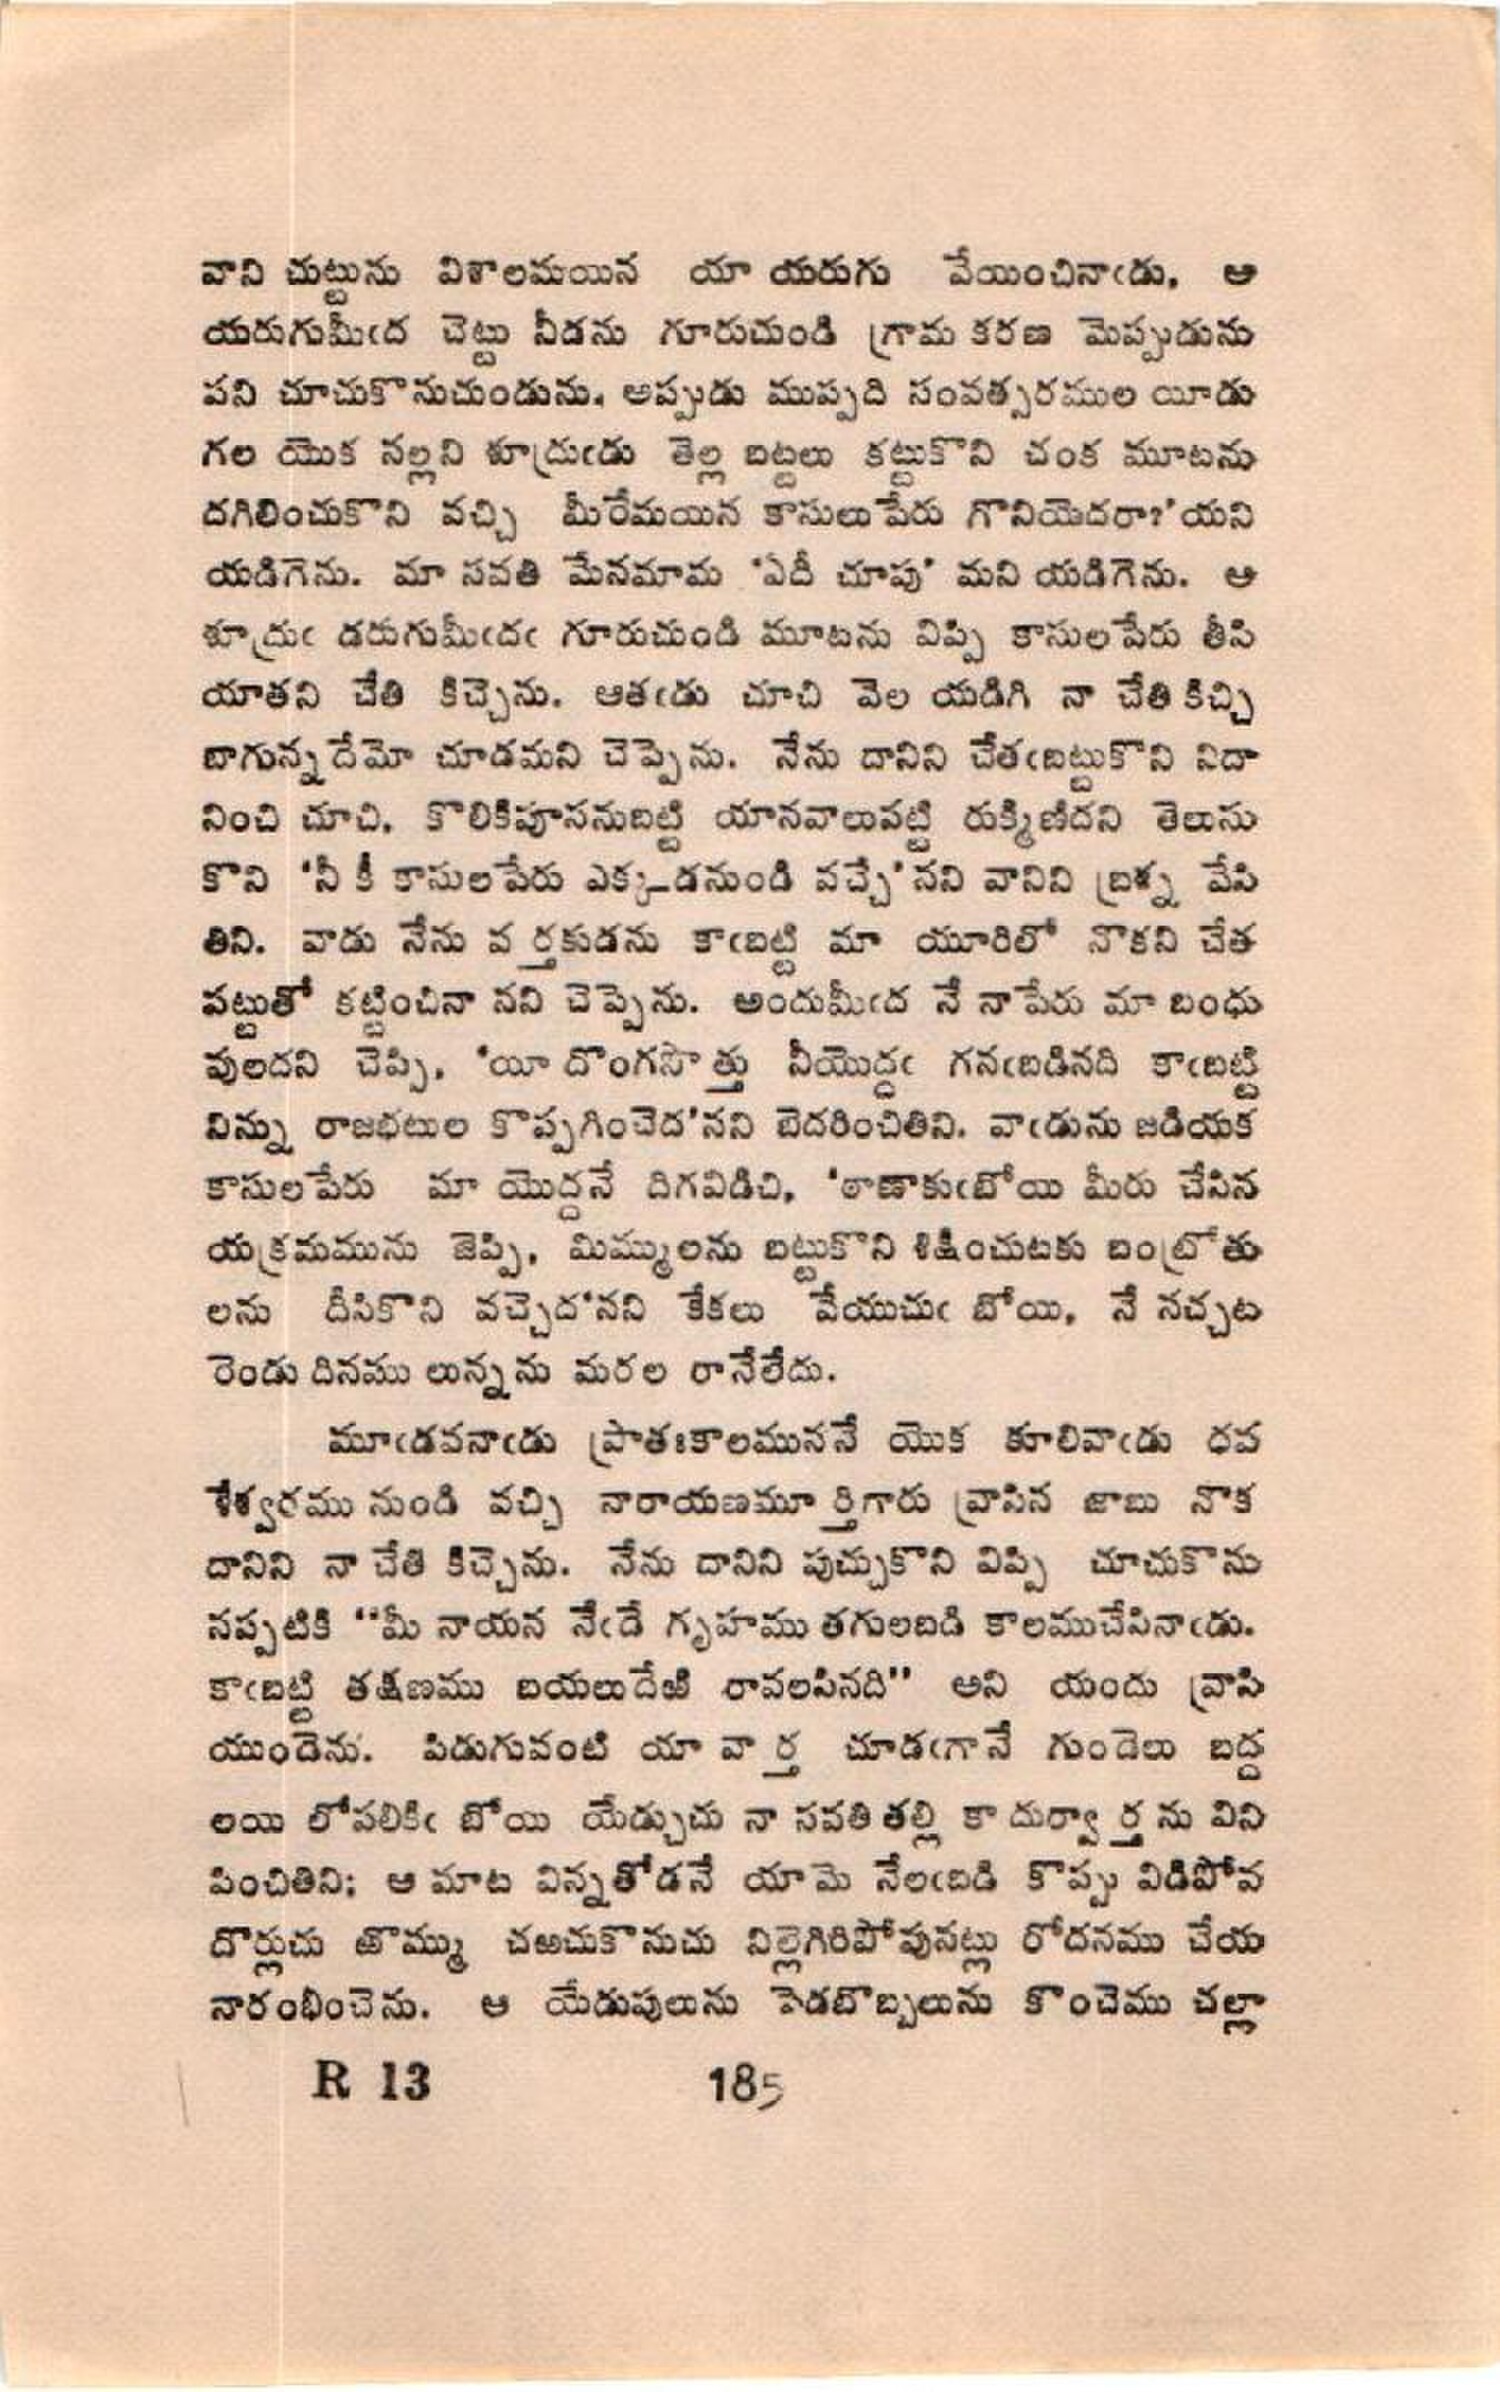వాని చుట్టును విశాలమయిన యా యరుగు వేయించినాఁడు, ఆ యరుగుమీఁద చెట్టు నీడను గూరుచుండి గ్రామ కరణ మెప్పుడును పని చూచుకొనుచుండును. అప్పుడు ముప్పది సంవత్సరముల యీడు గల యొక నల్లని శూద్రుఁడు తెల్ల బట్టలు కట్టుకొని చంక మూటను దగిలించుకొని వచ్చి మీరేమయిన కాసులు పేరు గొనియెదరా?"యని యడిగెను. మా సవతి మేనమామ "ఏదీ చూపు" మని యడిగెను. ఆ శూద్రుఁ డరుగుమీఁదఁ గూరుచుండి మూటను విప్పి కాసుల పేరు తీసి యాతని చేతి కిచ్చెను. ఆతఁడు చూచి వెల యడిగి నా చేతి కిచ్చి బాగున్నదేమో చూడమని చెప్పెను. నేను దానిని చేతఁ బట్టుకొని నిదా నించి చూచి, కొలికిపూసనుబట్టి యానవాలుపట్టి రుక్మిణిదని తెలుసు కొని “నీ కీ కాసుల పేరు ఎక్కడనుండి వచ్చే' నని వానిని బ్రశ్న వేసి తిని. వాడు నేను వర్తకుడను కాబట్టి మా యూరిలో నొకని చేత పట్టుతో కట్టించినా నని చెప్పెను. అందుమీఁద నే నాపేరు మా బంధువులదని చెప్పి, "యీ దొంగసొత్తు నీయొద్దఁ గనఁబడినది కాబట్టి నిన్ను రాజభటుల కొప్పగించెద"నని బెదరించితిని. వాఁడును జడియక కాసులపేరు మా యొద్దనే దిగవిడిచి, "ఠాణాకుఁబోయి మీరు చేసిన యక్రమమును జెప్పి, మిమ్ములను బట్టుకొని శిక్షించుటకు బంట్రోతు లను దీసికొని వచ్చెద"నని కేకలు వేయుచుఁ బోయి, నే నచ్చట రెండు దినము లున్నను మరల రానేలేదు.

మూడవనాఁడు ప్రాతఃకాలముననే యొక కూలివాఁడు ధవళేశ్వరము నుండి వచ్చి నారాయణమూర్తిగారు వ్రాసిన జాబు నొక దానిని నా చేతి కిచ్చెను. నేను దానిని పుచ్చుకొని విప్పి చూచుకొను నప్పటికి "మీ నాయన నేఁడే గృహము తగులబడి కాలముచేసినాఁడు. కాబట్టి తక్షణము బయలుదేఱి రావలసినది" అని యందు వ్రాసి యుండెను. పిడుగువంటి యా వార్త చూడఁగానే గుండెలు బద్ద లయి లోపలికిఁ బోయి యేడ్చుచు నా సవతి తల్లి కాదుర్వార్తను విని పించితిని; ఆ మాట విన్నతోడనే యామె నేలఁబడి కొప్పు విడిపోవ దొర్లుచు ఱొమ్ము చఱచుకొనుచు నిల్లెగిరిపోవునట్లు రోదనము చేయ నారంభించెను. ఆ యేడుపులును పెడబొబ్బలును కొంచెము చల్లా